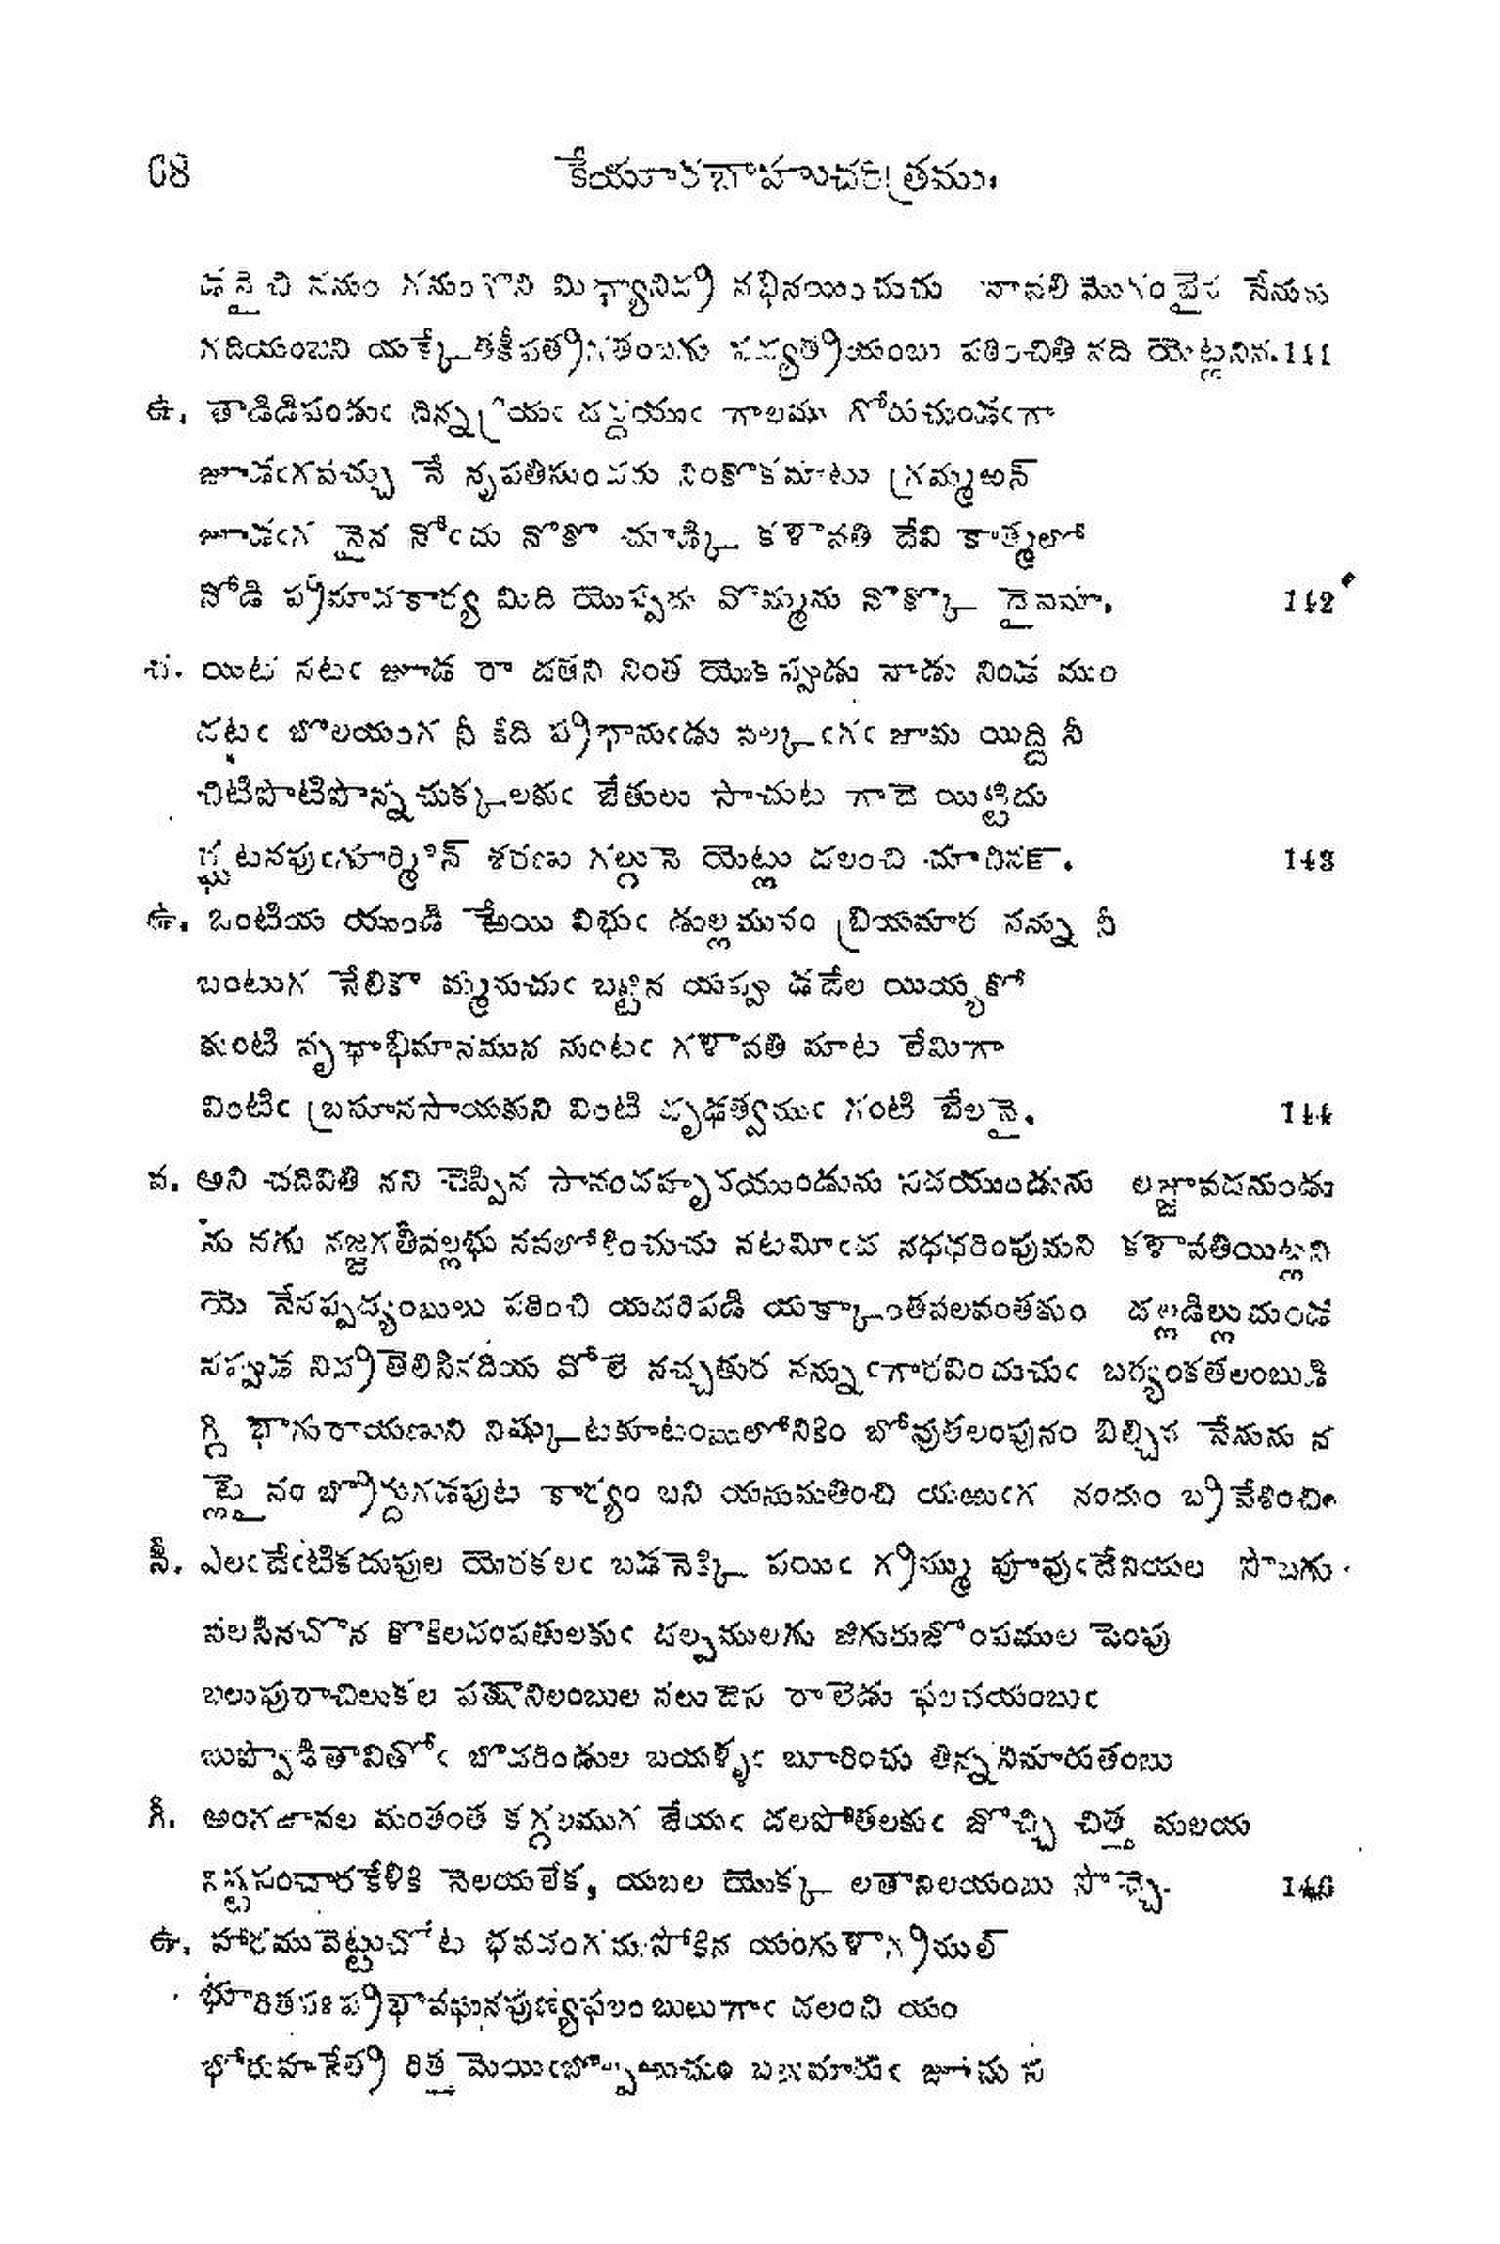డవైచి ననుం గనుంగొని మిథ్యానిద్ర నభినయించుచు నావలిమొగంబై నేనును
 గదియంజని యక్కేతకీపత్రగతంగు పద్యత్రయంబు పఠించితి నది యె ట్లనిన.
ఉ. తాడిడిపండుఁ దిన్నక్రియఁ దద్దయుఁ గాలము గోరుచుండఁగా
 జూడఁగవచ్చు నే నృపతిసుందరు నింకొకమాటు గ్రమ్మఱన్
 జూడఁగ నైన నోఁచు నొకొ చూశ్కీ. కళావతి దేవి కాత్మలో
 నోడి ప్రమాదకార్య మిది యొప్పగు వొమ్మను నొక్కొ దైవమా.
చ. యిట నటఁ జూడ రా దతని నింత యెుకప్పుడు నాడు నిండ ముం
 దటఁ బొలయంగ నీ కిది ప్రధానుఁడు వల్కఁగఁ జామ యిద్ది నీ
 చిటిపొటిపొన్నచుక్కలకుఁ జేతులు సాచుట గాదె యిట్టిదు
 ర్ఘటనపుఁగూర్మికిన్ శరణు గల్గునె యెట్లు దలంచి చూచినన్.
ఉ. ఒంటియ యుండి ఱేయి విభుఁ డుల్లమునం బ్రియమార నన్ను నీ
 బంటుగ నేలికొ మ్మనుచుఁ బట్టిన యప్పు డదేల యియ్యకోయ
 కుంటి వృథాభిమానమున నుంటఁ గళావతి మాట లేమిగా
 వింటిఁ బ్రసూనసాయకుని వింటిదృఢత్వముఁ గంటి బేలనై.
వ. అని చదివితి నని చెప్పిన సానందహృదయుండును సదయుండును లజ్జావదనుండు
 ను నగు నజ్జగతీవల్లభు ననలోకించుచు నటమీఁద నవధరింపుమని కళావతి యి ట్లని
 యె నే నప్పద్యంబులు పఠించి యదరిపడి యక్కాంతవలవంతకుం దల్లడిల్లుచుండి
 నప్పుడ నిద్రతెలిసినదియవోలె నచ్చతుర నన్నుఁ గారవించుచుఁ బర్యంకతలంబు డి
 గ్గి భాగురాయణుని నిష్కుటకూటంబులోనికిం బోవుతలంపునం బిల్చిన నేనును న
 ట్లైనం బ్రొద్దుగడపుట కార్యం బని యనుమతించి యఱుఁగ నందుం బ్రవేశించి.
సీ. ఎలఁదేఁటికదుపుల యెరకలఁ బడనెక్కి పయిఁ గ్రమ్ము పూవుఁదేనియల సొబగు
 వలసినచొన కోకిలదంపతులకుఁ దల్పములగు జిగురుజొంపముల పెంపు
 బలుపురాచిలుకల పక్షానిలంబుల నలుదెస రాలెడు ఫలచయంబుఁ
 బుప్పొడితావితోఁ బొదరిండుల బయళ్ళఁ బూరించు తిన్ననిమారుతంబు
గీ. అంగజానల మంతంత కగ్గలముగ జేయఁ దలపోతలకుఁ జొచ్చి చిత్త మలయ
 నిష్టసంచారకేళికి నెలయలేక, యబల యొక్కలతానిలయంబు సొచ్చె.
ఉ. హారమువెట్టుచోట భవదంగము సోకిన యంగుళాగ్రముల్
 భూరితపఃప్రభావఘనపుణ్యఫలంబులు గాఁ దలంచి యం
 భోరుహనేత్ర రిత్తమెయిఁ బొల్పఱుచుం బలుమారుఁ జూచు స